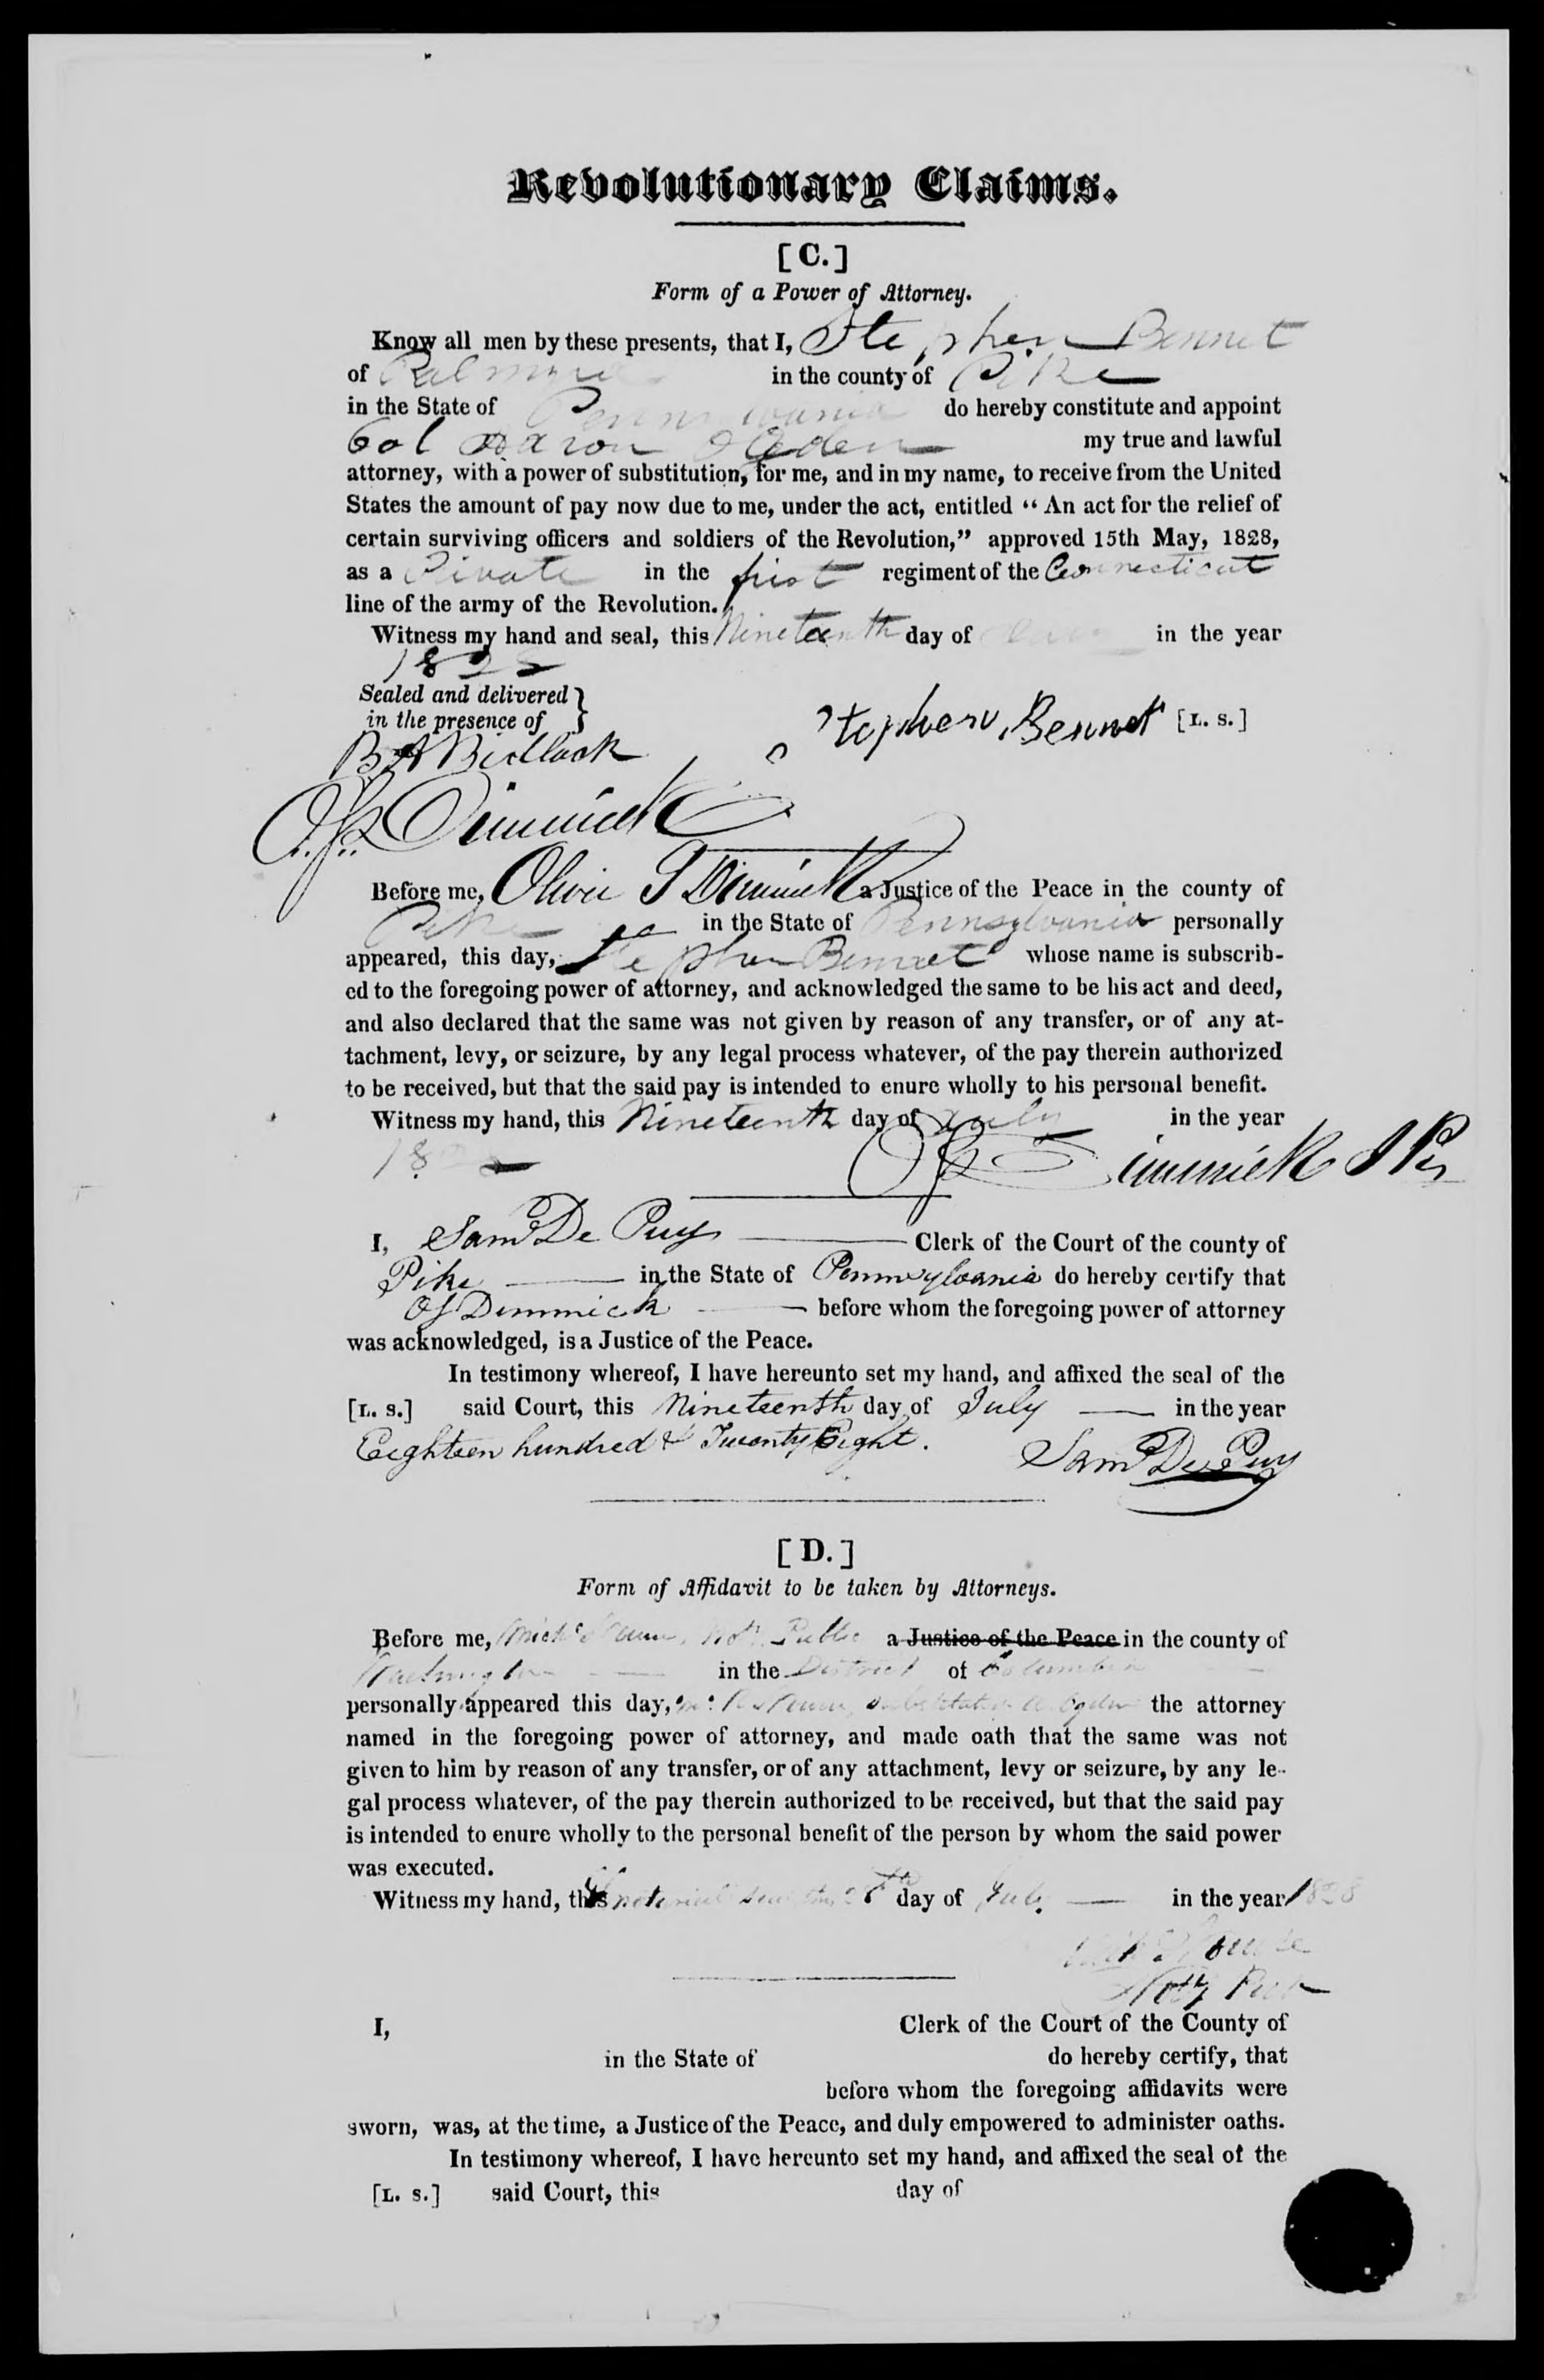Revolutionary Claims
( C. )
Form of a Power of Attorney.
Know all men by these presents, that I, Stephen
of all
in the county of
in the State of
the
do hereby constitute and appoint
at Baron & Eden
my true and lawful
attorney, with a power of substitution, for me, and in my name, to receive from the United States
the amount of pay now due to me, under the act, entitled ""An act for the relief of
certain surviving officers and soldiers of the Revolution,” approved 15th May, 1828,
as a private
in the regiment of the Connecticut
line of the army of the Revolution.
Witness my hand and seal, this nineteenth day of
in the year
Sealed and delivered
Black
Christopher Bennet S.
Ossianic
Before me, Oliver of the Peace in the county of
in the State of insane personally
appeared, this day, the then Bennet whose name is subscribed
to the foregoing power of attorney, and acknowledged the same to be his act and deed,
and also declared that the same was not given by reason of any transfer, or of any attachment
, levy, or seizure, by any legal process whatever, of the pay therein authorized
to be received, but that the said pay is intended to enure wholly to his personal benefit.
Witness my hand, this nineteenth day of July
18
in the year
Anne J
Saml DePuy
Pike
Clerk of the Court of the county of
in the State of Pennsylvania do hereby certify that
Of Demmick
before whom the foregoing power of attorney
was acknowledged, is a Justice of the Peace.
In testimony whereof, I have hereunto set my hand, and affixed the seal of the
[L. S.] said Court, this nineteenth day of July
Eighteen hundred & Twenty Eight
in the year
Saml Day
(D.]
Form of Affidavit to be taken by Attorneys.
Before me, this 10th ul a Justice of the Peace in the county of
Washington
in the sire of the
personally appeared this day, under the attorney
named in the foregoing power of attorney, and made oath that the same was not
given to him by reason of any transfer, or of any attachment, levy or seizure, by any le
gal process whatever, of the pay therein authorized to be received, but that the said pay
is intended to ensure wholly to the personal benefit of the person by whom the said power
was executed.
Witness my hand, the trial on the day of July in the year
be
Clerk of the Court of the County of
in the State of
do hereby certify, that
before whom the foregoing affidavits were
sworn, was, at the time, a Justice of the Peace, and duly empowered to administer oaths.
In testimony whereof, I have hereunto set my hand, and affixed the seal of the
(L. S.) said Court, this
day of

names: Aaron Ogden, Saml De Puy, Oliver S Dimmick, Stephen Bennet, Stephen Bennet, B A Bidlack, O S Dimmick, O S Dimmick, Michl Noune, Saml De Puy, O S Dimmick, Stephen Bennet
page: 45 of 79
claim: widow's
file: W. 2,906, Stephen Bennet, Conn.